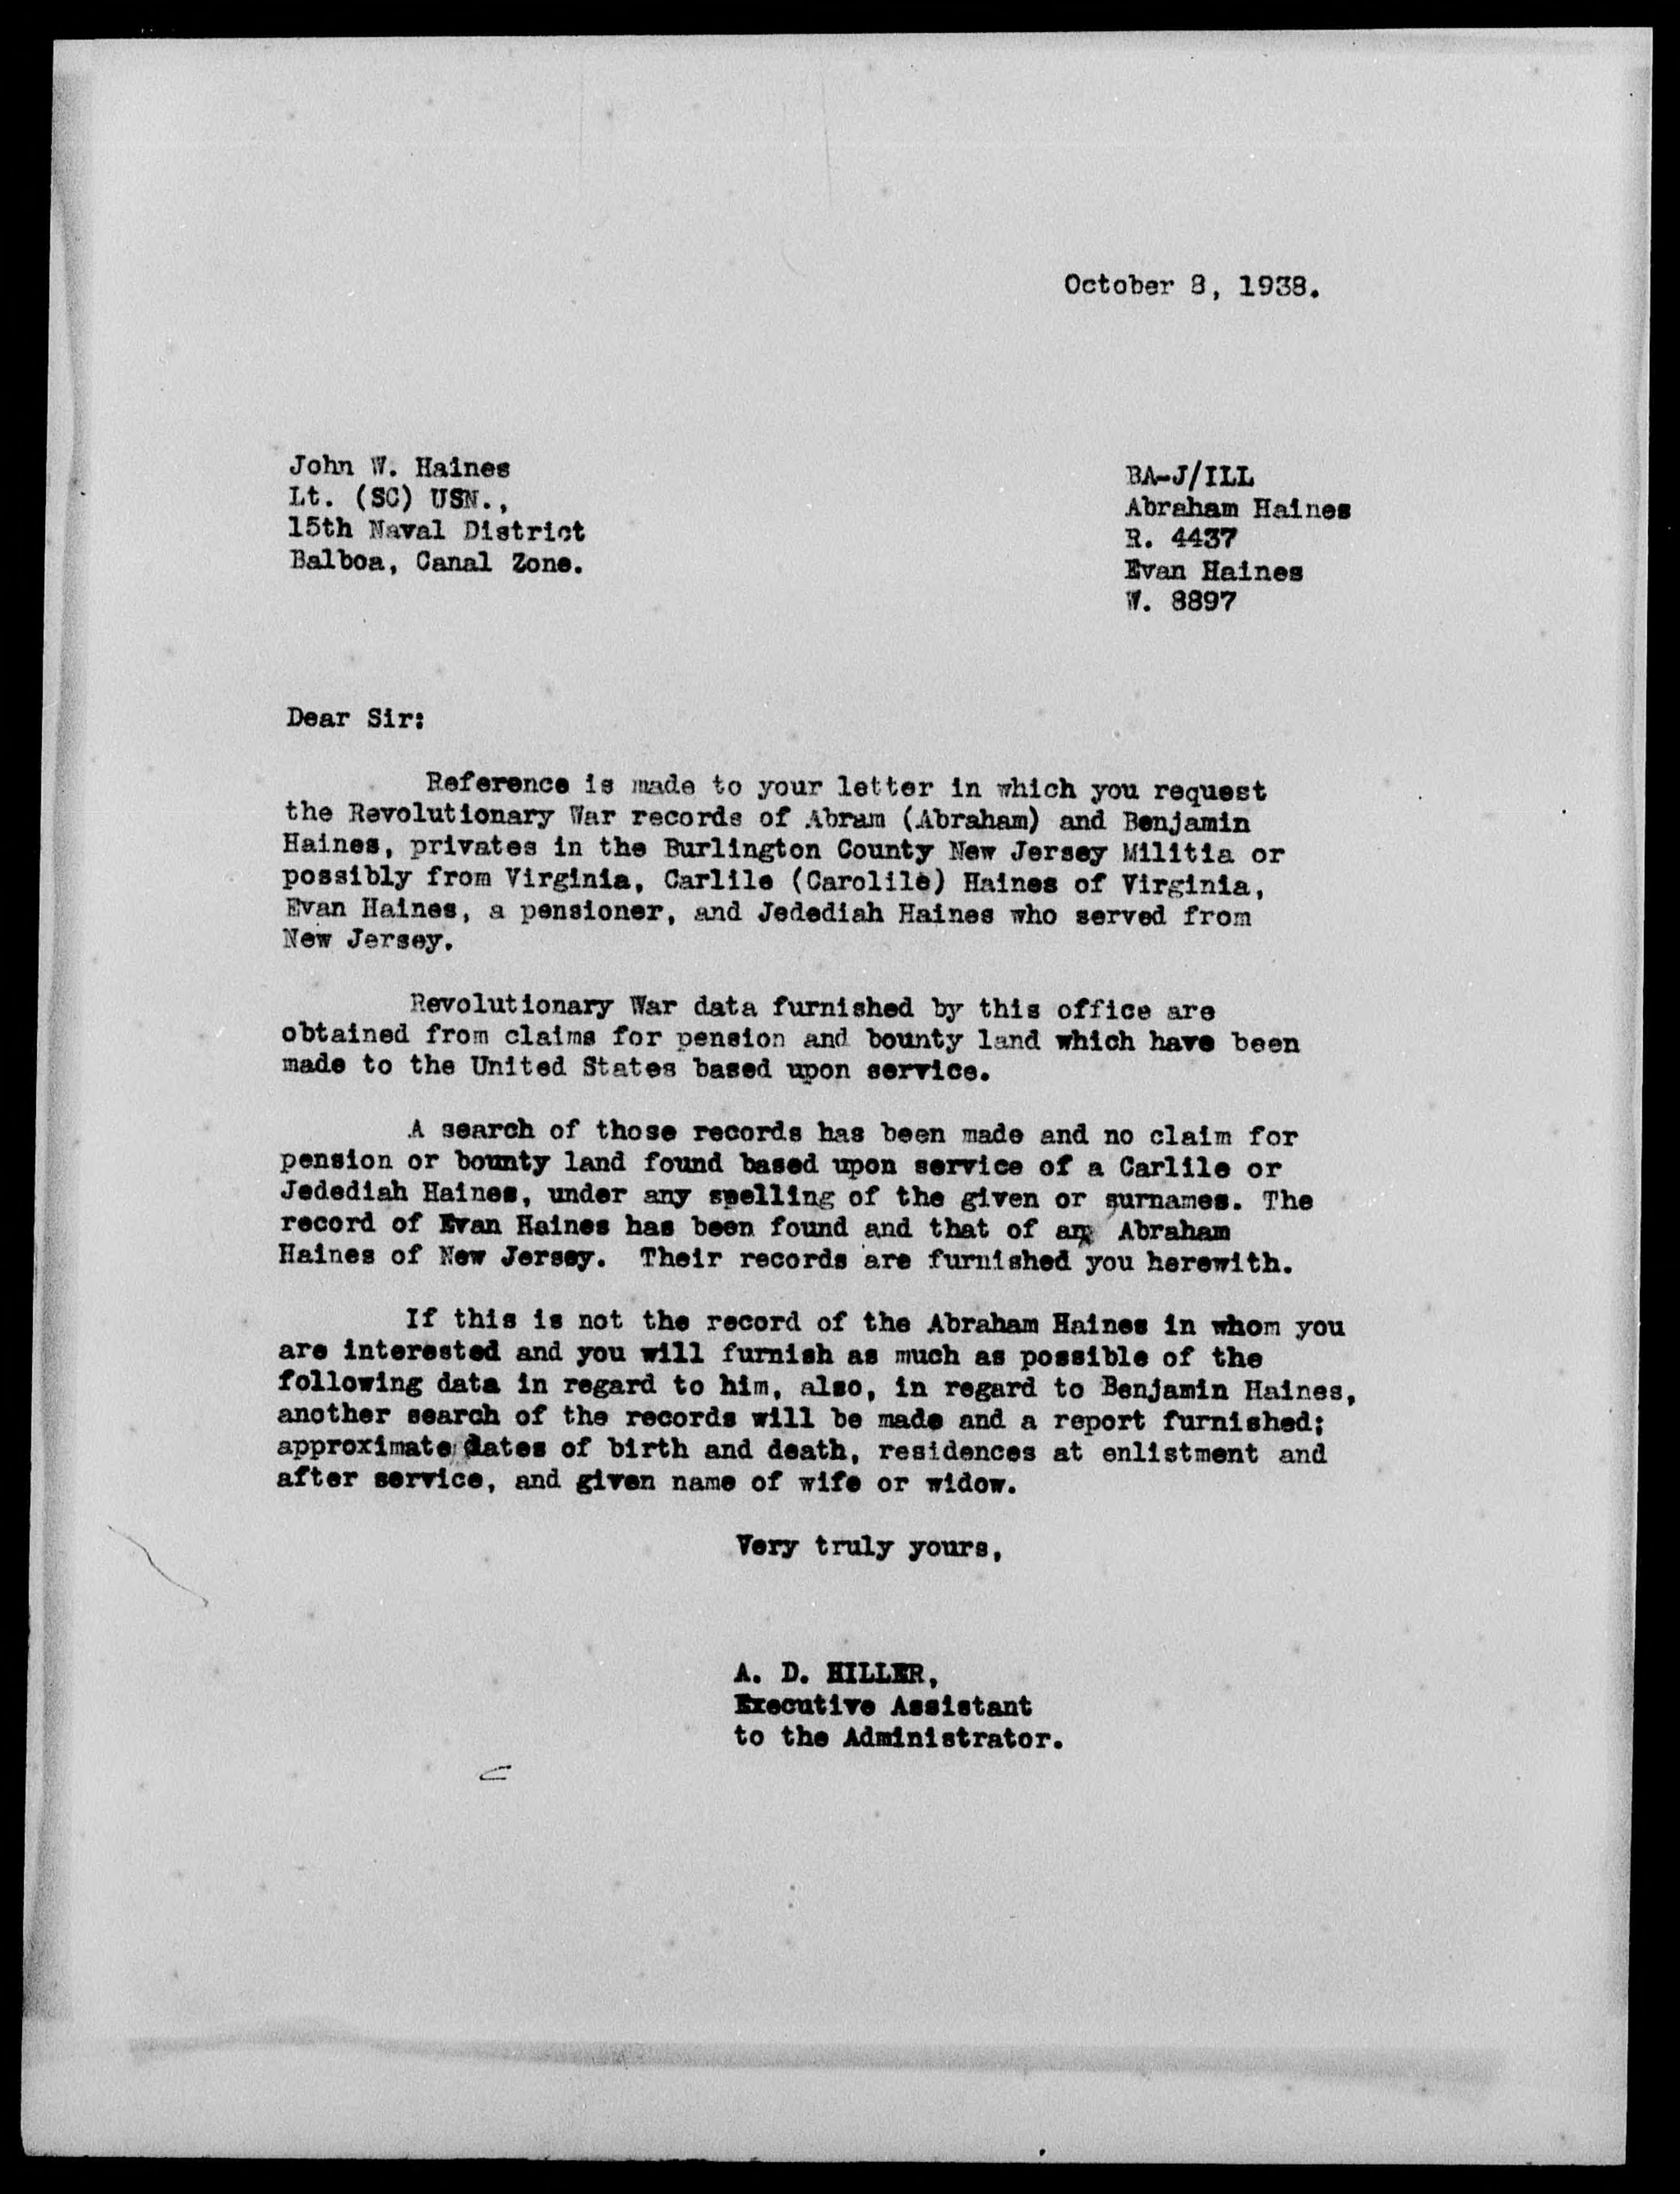October 8, 1938.

John W. Haines                                                                BA-J/ILL
Lt. (SC) USN.,                                                                    Abraham Haines
15th Naval District                                                           R. 4437
Balboa, Canal Zone.                                                         Evan Haines
                                                                                         W. 8897

Dear Sir:

             Reference is made to your letter in which you request the Revolutionary War records of Abram (Abraham) and Benjamin Haines, privates in the Burlington County New Jersey Militia or possibly from Virginia, Carlile (Carolile) Haines of Virginia, Evan Haines, a pensioner, and Jedediah Haines who served from New Jersey.

             Revolutionary War data furnished by this office are obtained from claims for pension and bounty land which have been made to the United States based upon service.

             A search of those records has been made and no claim for pension or bounty land found based upon service of a Carlile or Jedediah Haines, under any spelling of the given or surnames. The record of Evan Haines has been found and that of an Abraham Haines of New Jersey. Their records are furnished you herewith. 

             If this is not the record of the Abraham Haines in whom you are interested and you will furnish as much as possible of the following data in regard to him, also, in regard to Benjamin Haines, another search of the records will be made and a report furnished; approximate dates of birth and death, residences at enlistment and after service, and given name of wife or widow. 

                                                    Very truly yours, 

                                                    A.  D. HILLER, 
                                                    Executive Assistant
                                                    to the Administrator.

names: Benjamin Haines, Abraham Haines, Carlile Haines, Benjamin Haines, Carolile Haines, Jedediah Haines, Evan Haines, Abraham Haines, John W Haines, Carlile Haines, A D Hiller, Abraham Haines, Jedediah Haines, Evan Haines, Evan Haines, Abraham Haines, Abram Haines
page: 28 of 34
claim: widow's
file: W. 8897, Evan Haines, Ga